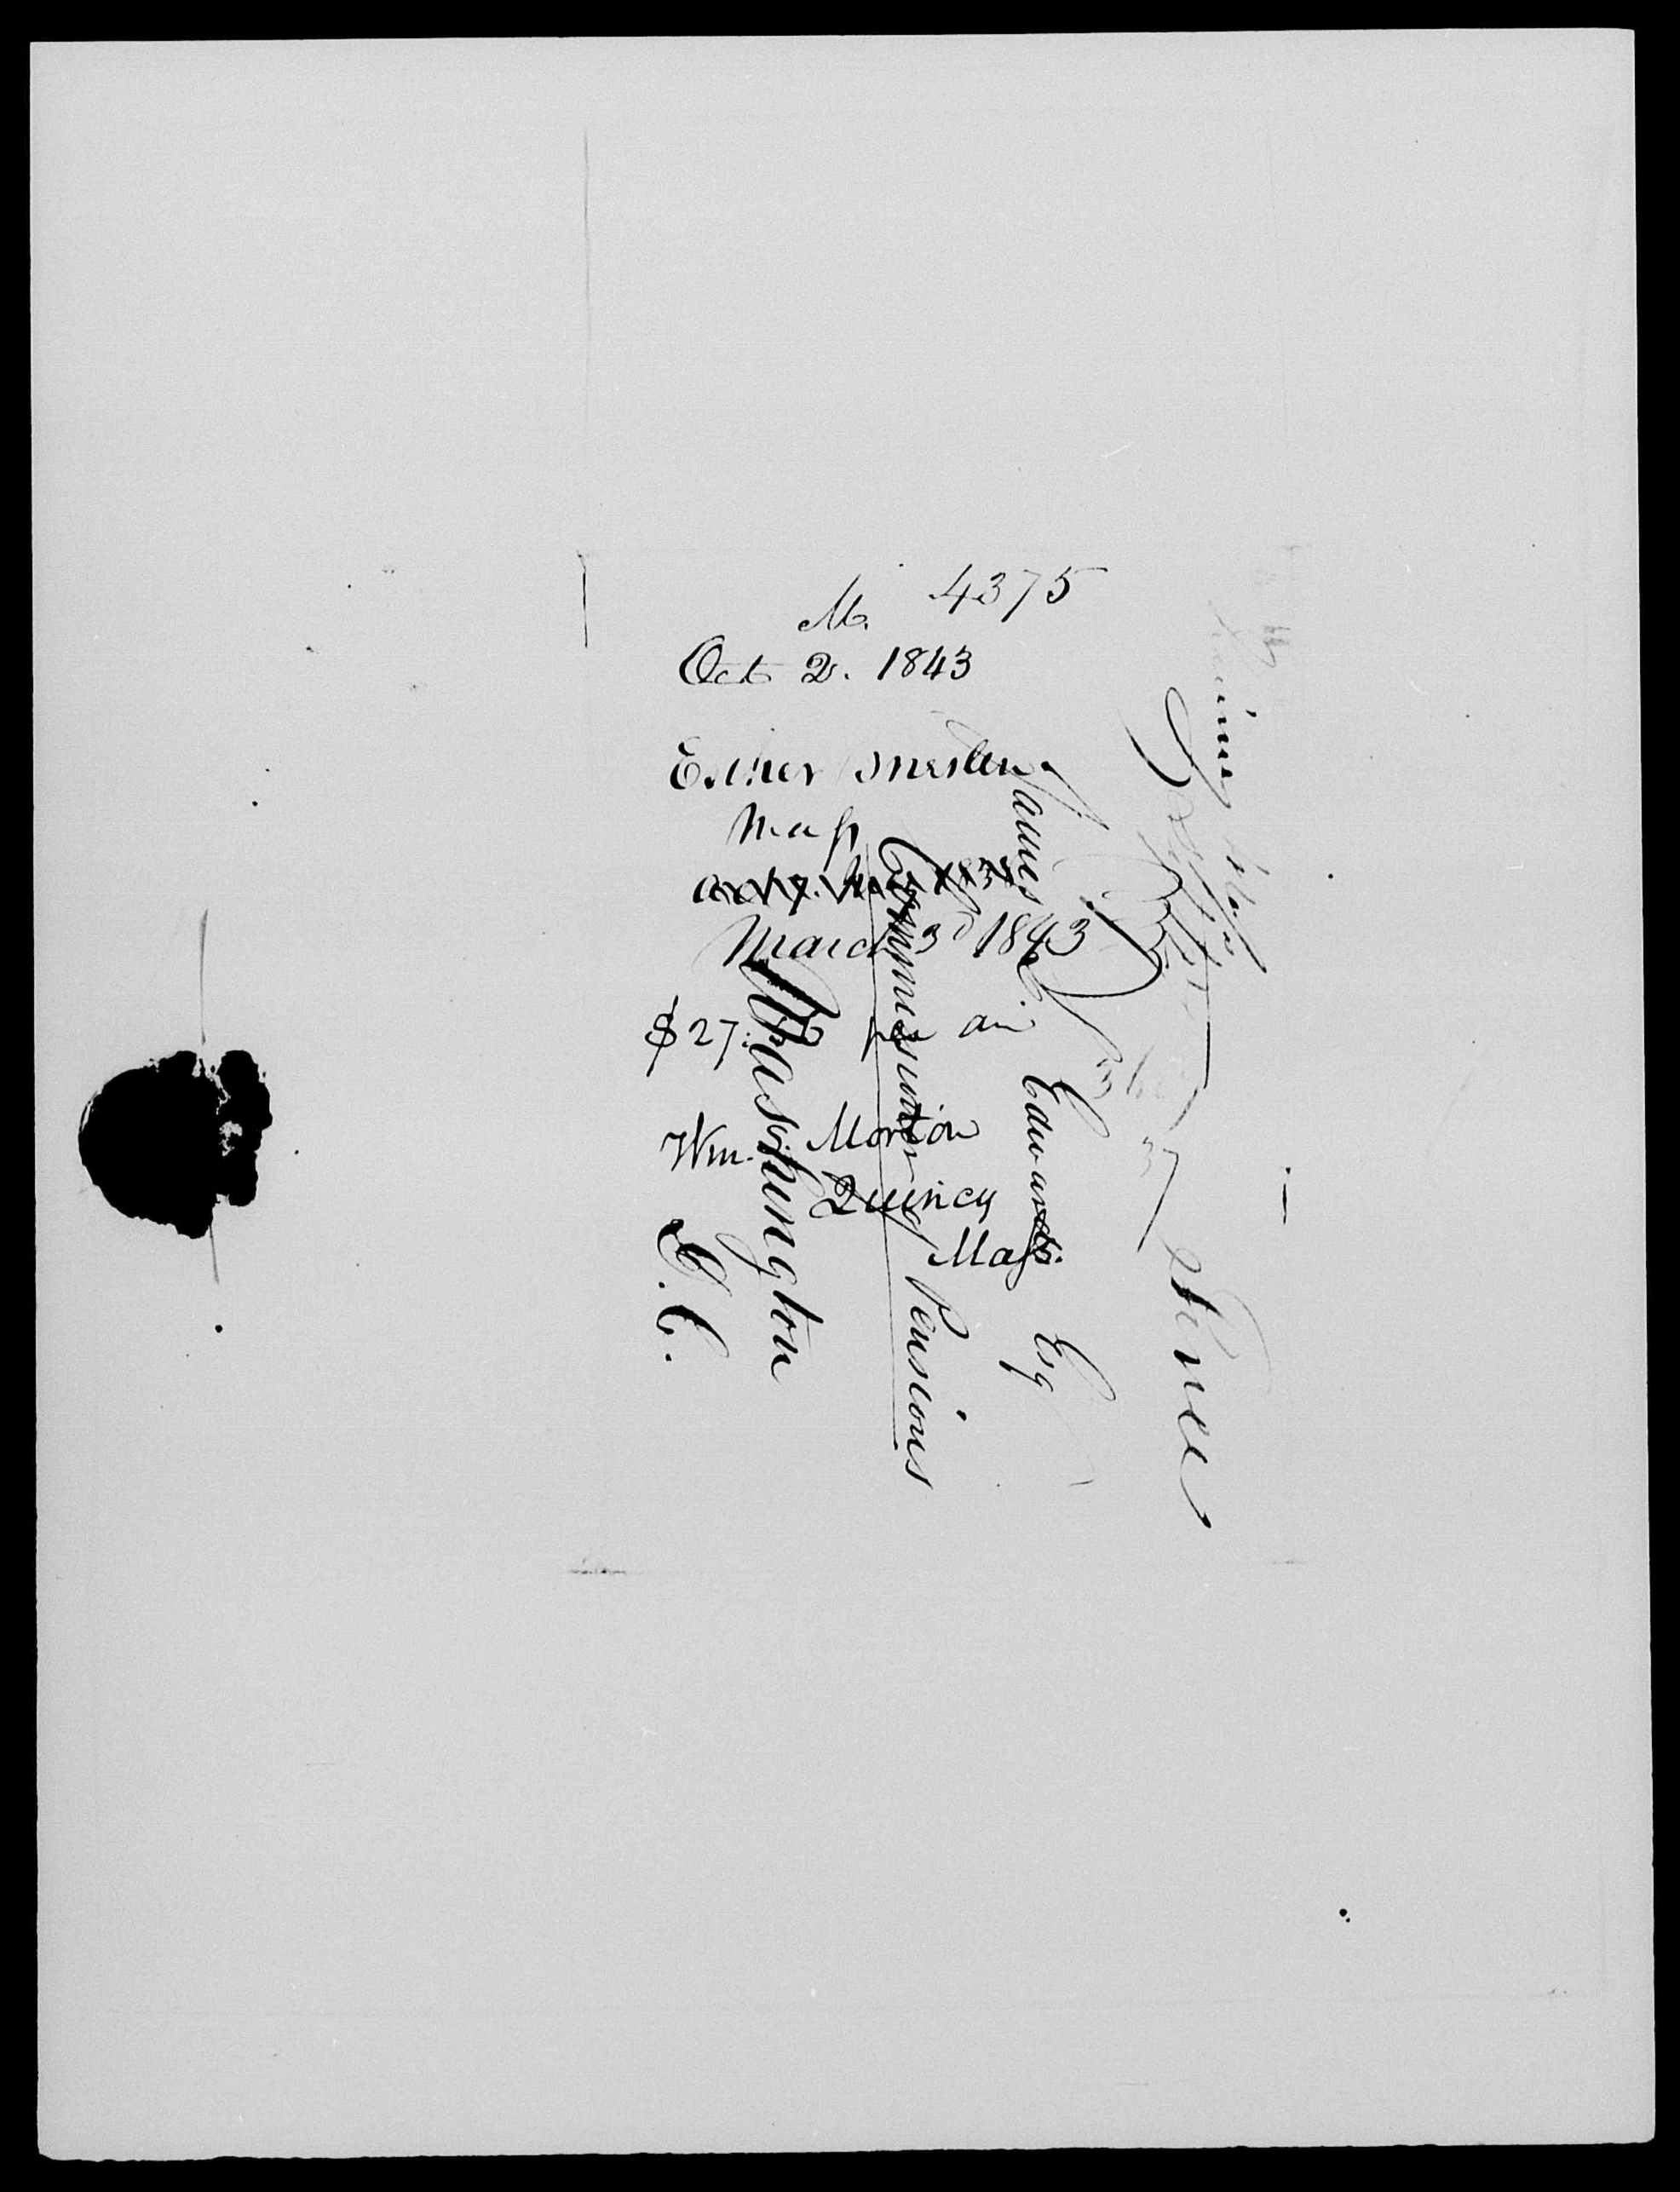M. 4375
Oct 2, 1843
Esther Brisler 
Mass 
March 30 1843
$27.56 [ILLEGIBLE] [ILLEGIBLE] Wm. S Morton Quincy Masss
James Edwards Esq
Washington D.C.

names: Esther Briesler, Wm S Morton, Esther Briesler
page: 29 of 46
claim: widow's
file: W. 23,673, John Brisler, Mass.